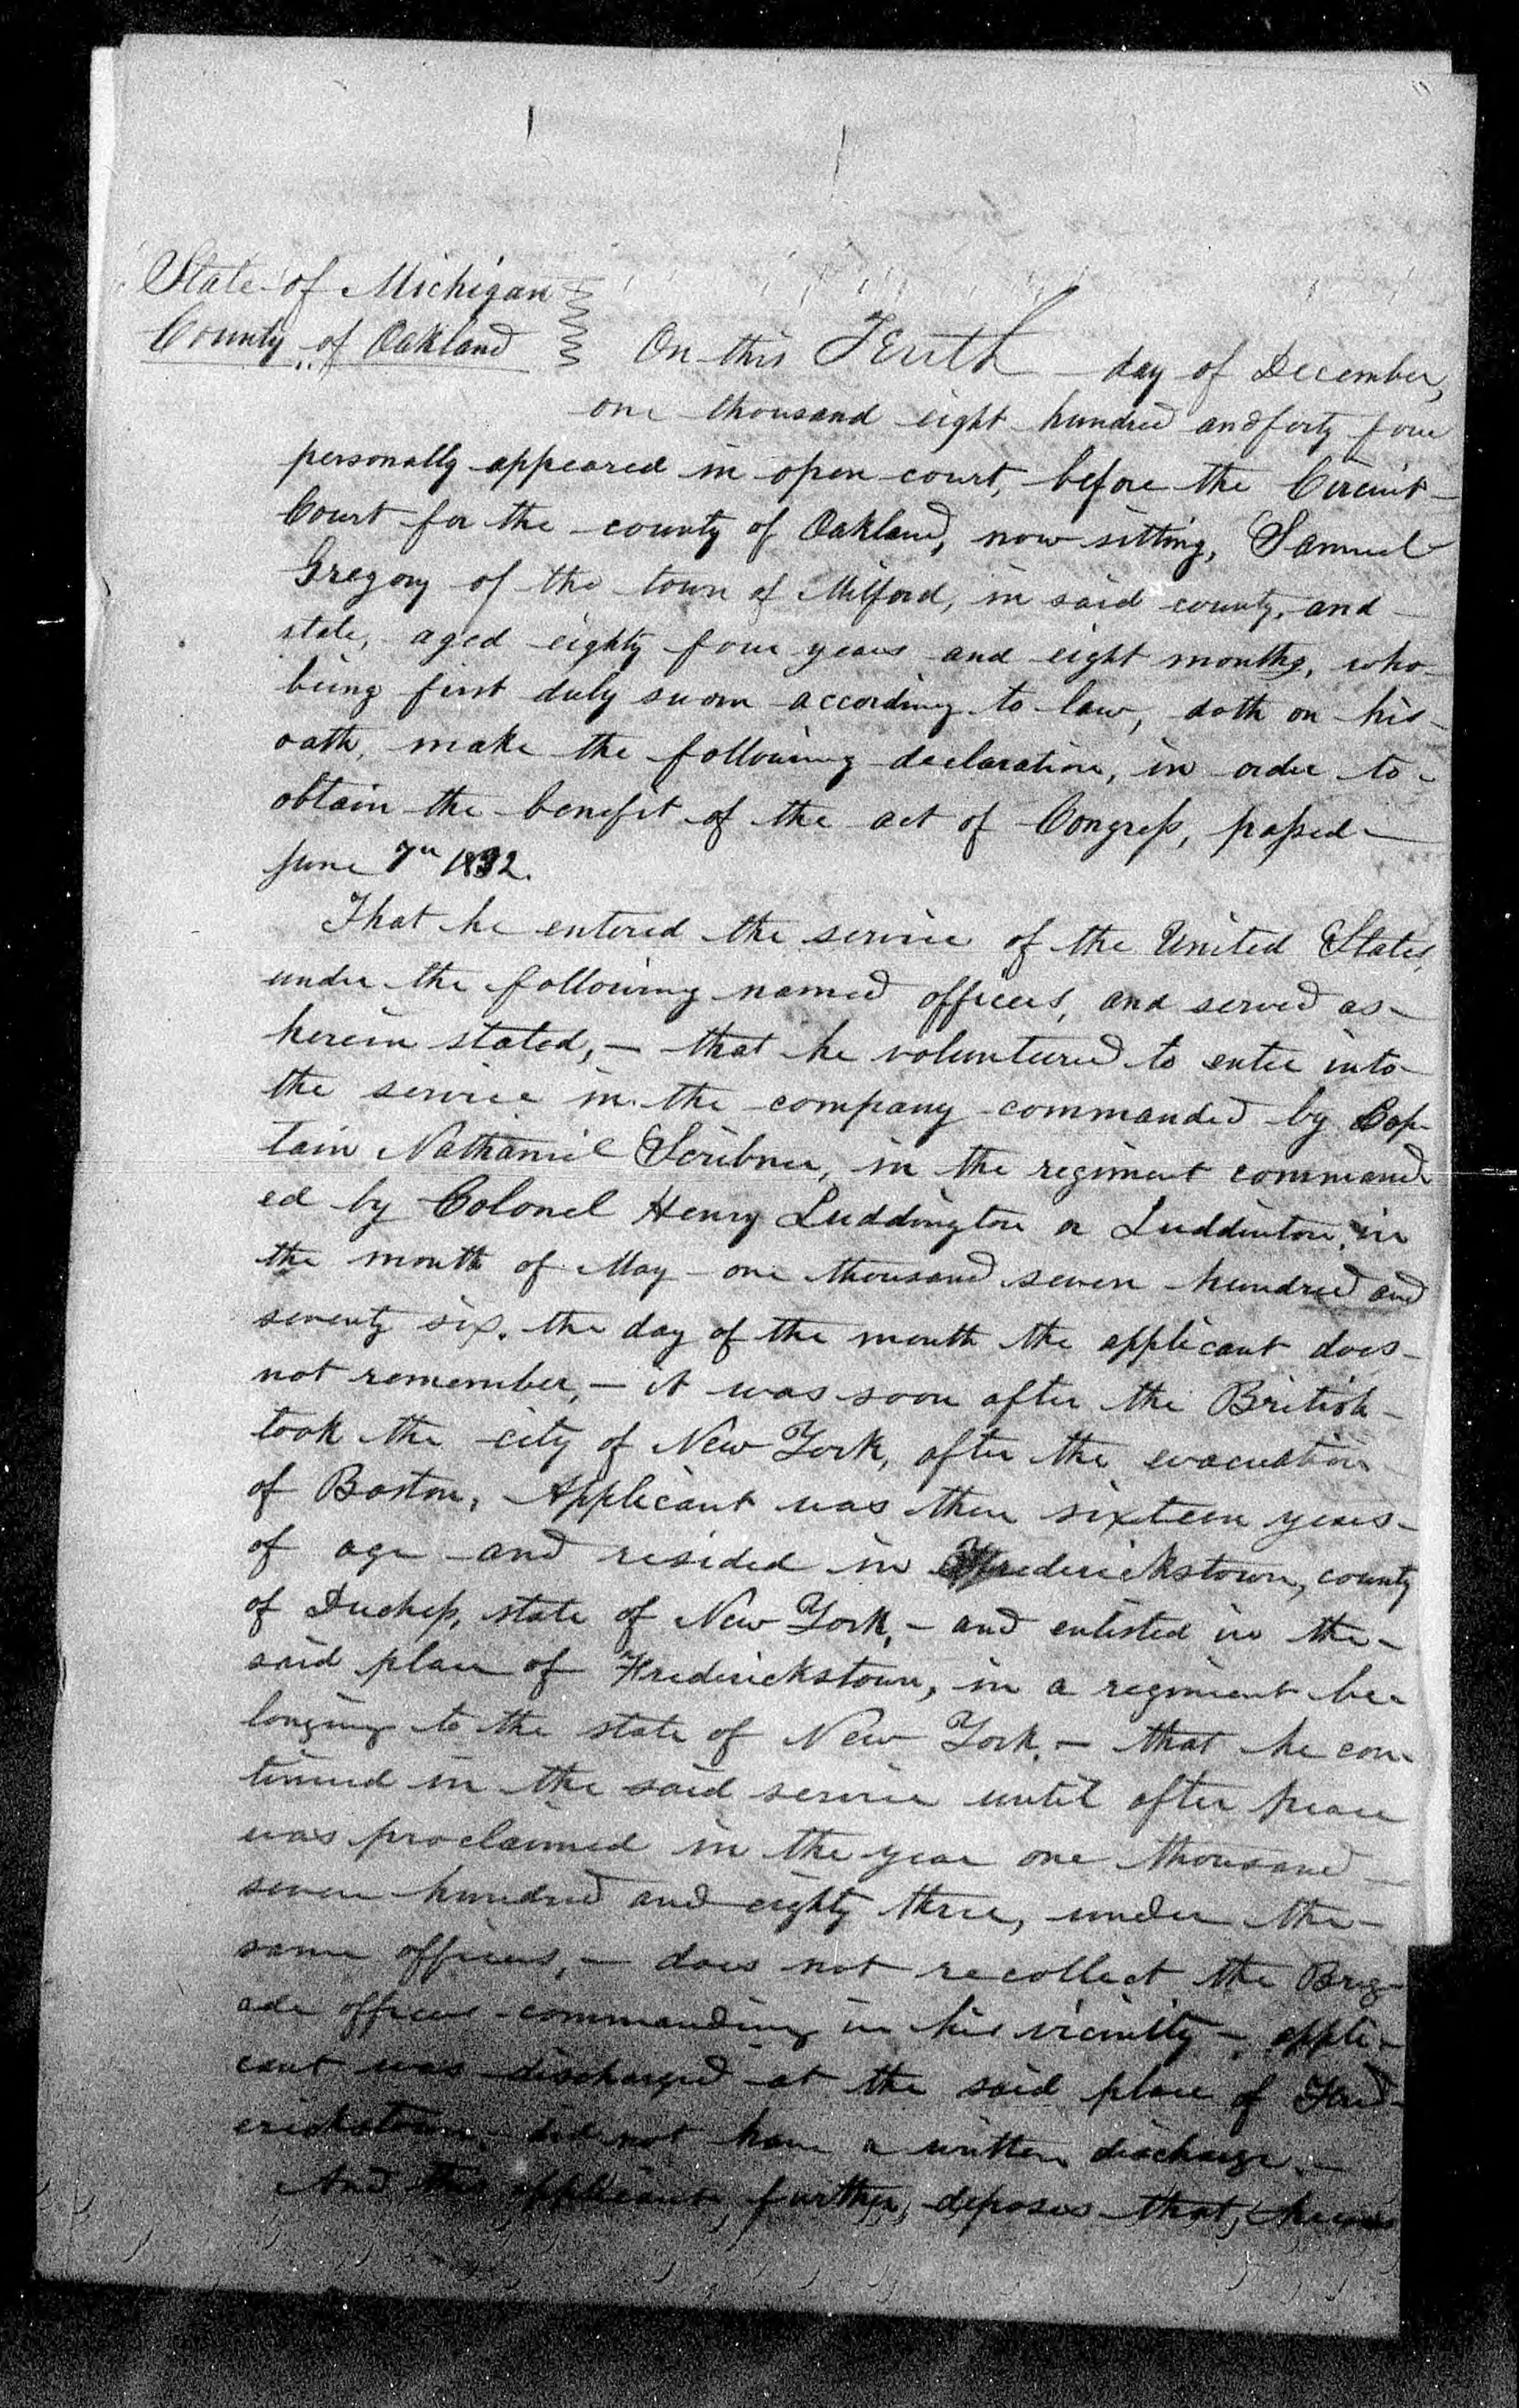State of Michigan
County of Oakland ss On this tenth day of December, one thousand eight hundred and forth four personally appeared in open court, before the circuit court for the county of Oakland, now sitting, Samuel Gregory of the town of Milford, in said county state, aged eighty four years and eight months, being first duly sworn according to law, doth on his oath make the following declaration, in order to obtain the benefit of the Act of Congress passed June 7th 1832.
That he entered the service of the United States under the following named officers and served as herein stated - that he volunteered into the service in the company commanded by Captain Nathaniel Scribner, in the regiment commanded by Colonel Henry Luddington  or Luddinton in the month of May one thousand seven hundred and seventy six. the day of the month the applicant does not remember - it was soon after the British took the city of New York, after the evacuation of Boston, Applicant was then sixteen years of age and resided in Frederickstown County of Dunlop, state of New York. and enlisted in the said place of Frederickstown, in a regiment belonging to the state of New York. - that he continued in the said service until after peace was proclaimed in the year one thousand seven hundred and eighty three, under the same officers, - does not recollect same officers, does not recollect the Brigade officers, commanding in his vicinity- applicant was discharged at the said place of Frederickstown did not have a written discharge. And the applicant, further deposes that [illegible]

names: Henry Luddington, Samuel Gregory, Nathaniel Scribner, Henry Luddington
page: 3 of 66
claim: rejected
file: R. 4298, Samuel Gregory, New York